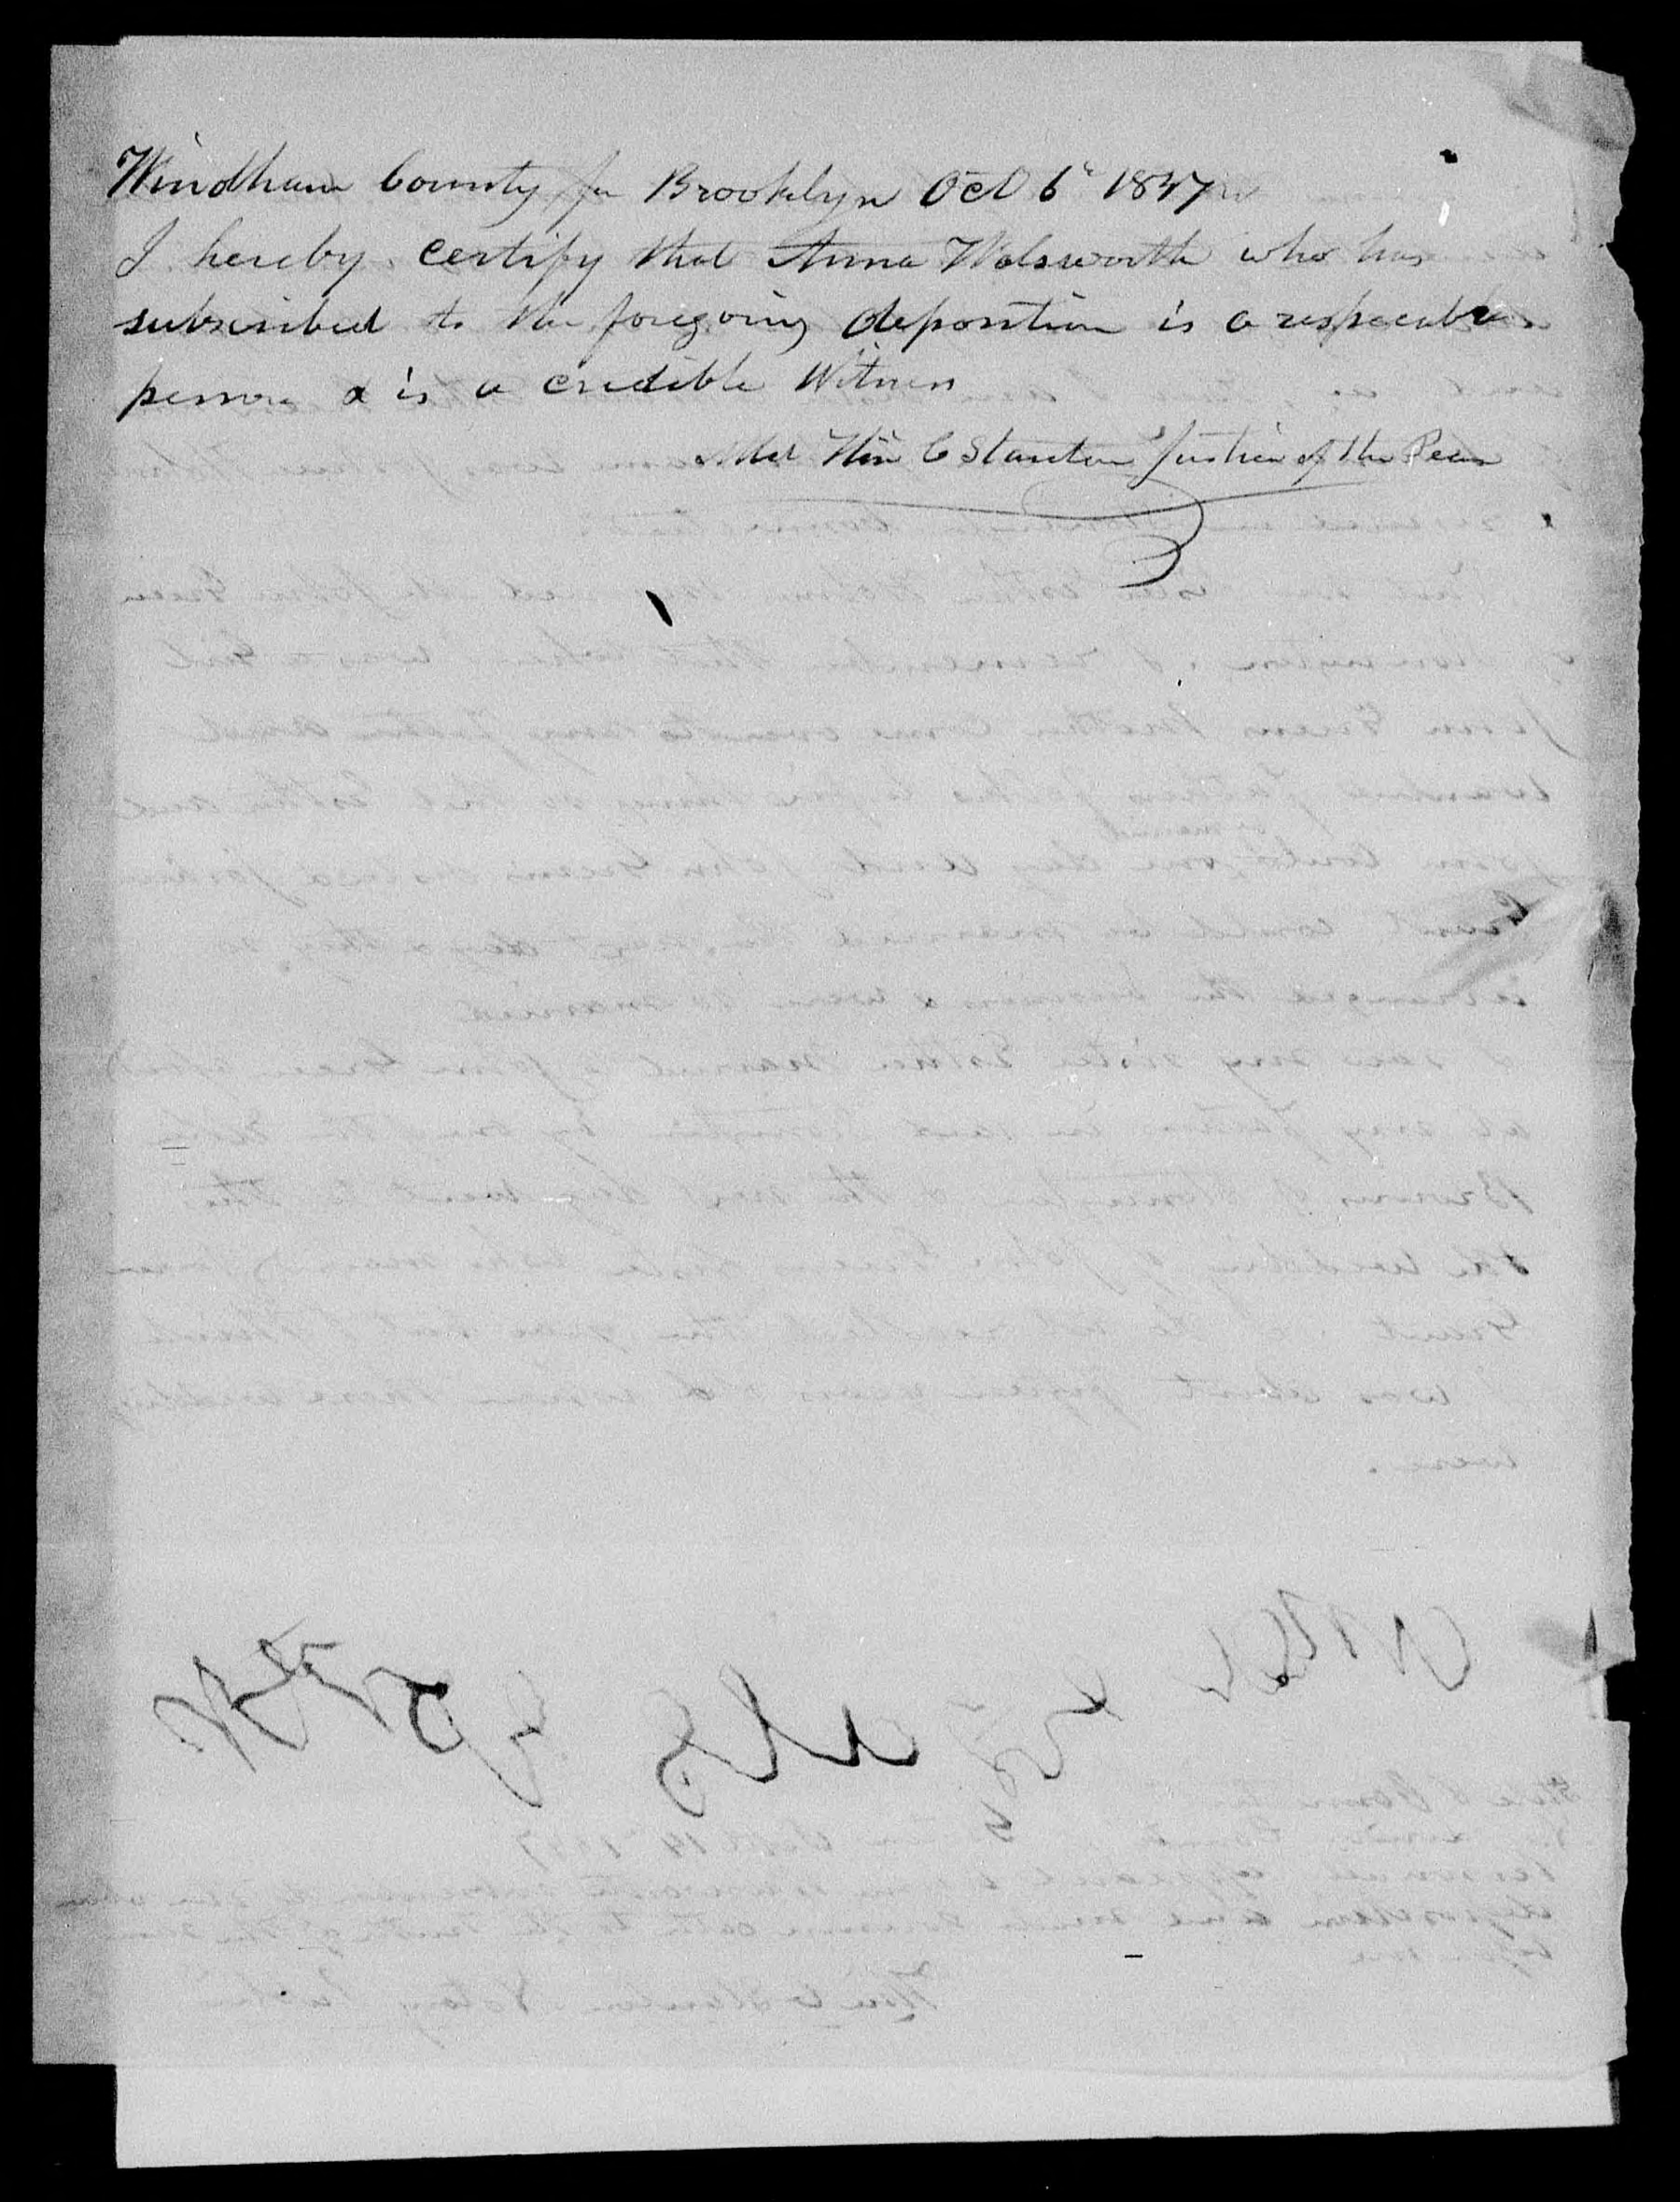Windham County in Brooklyn Oct 6th 1847
I hereby certify that Anna Walsworth who has subscribed to the forgoing deposition is a respectable person and is a credible witness
[signed Mr Wm C Stanton Justice of the Peace]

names: Wm C Stanton, Anna Walsworth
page: 6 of 40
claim: rejected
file: R. 4251, John Green, Conn.